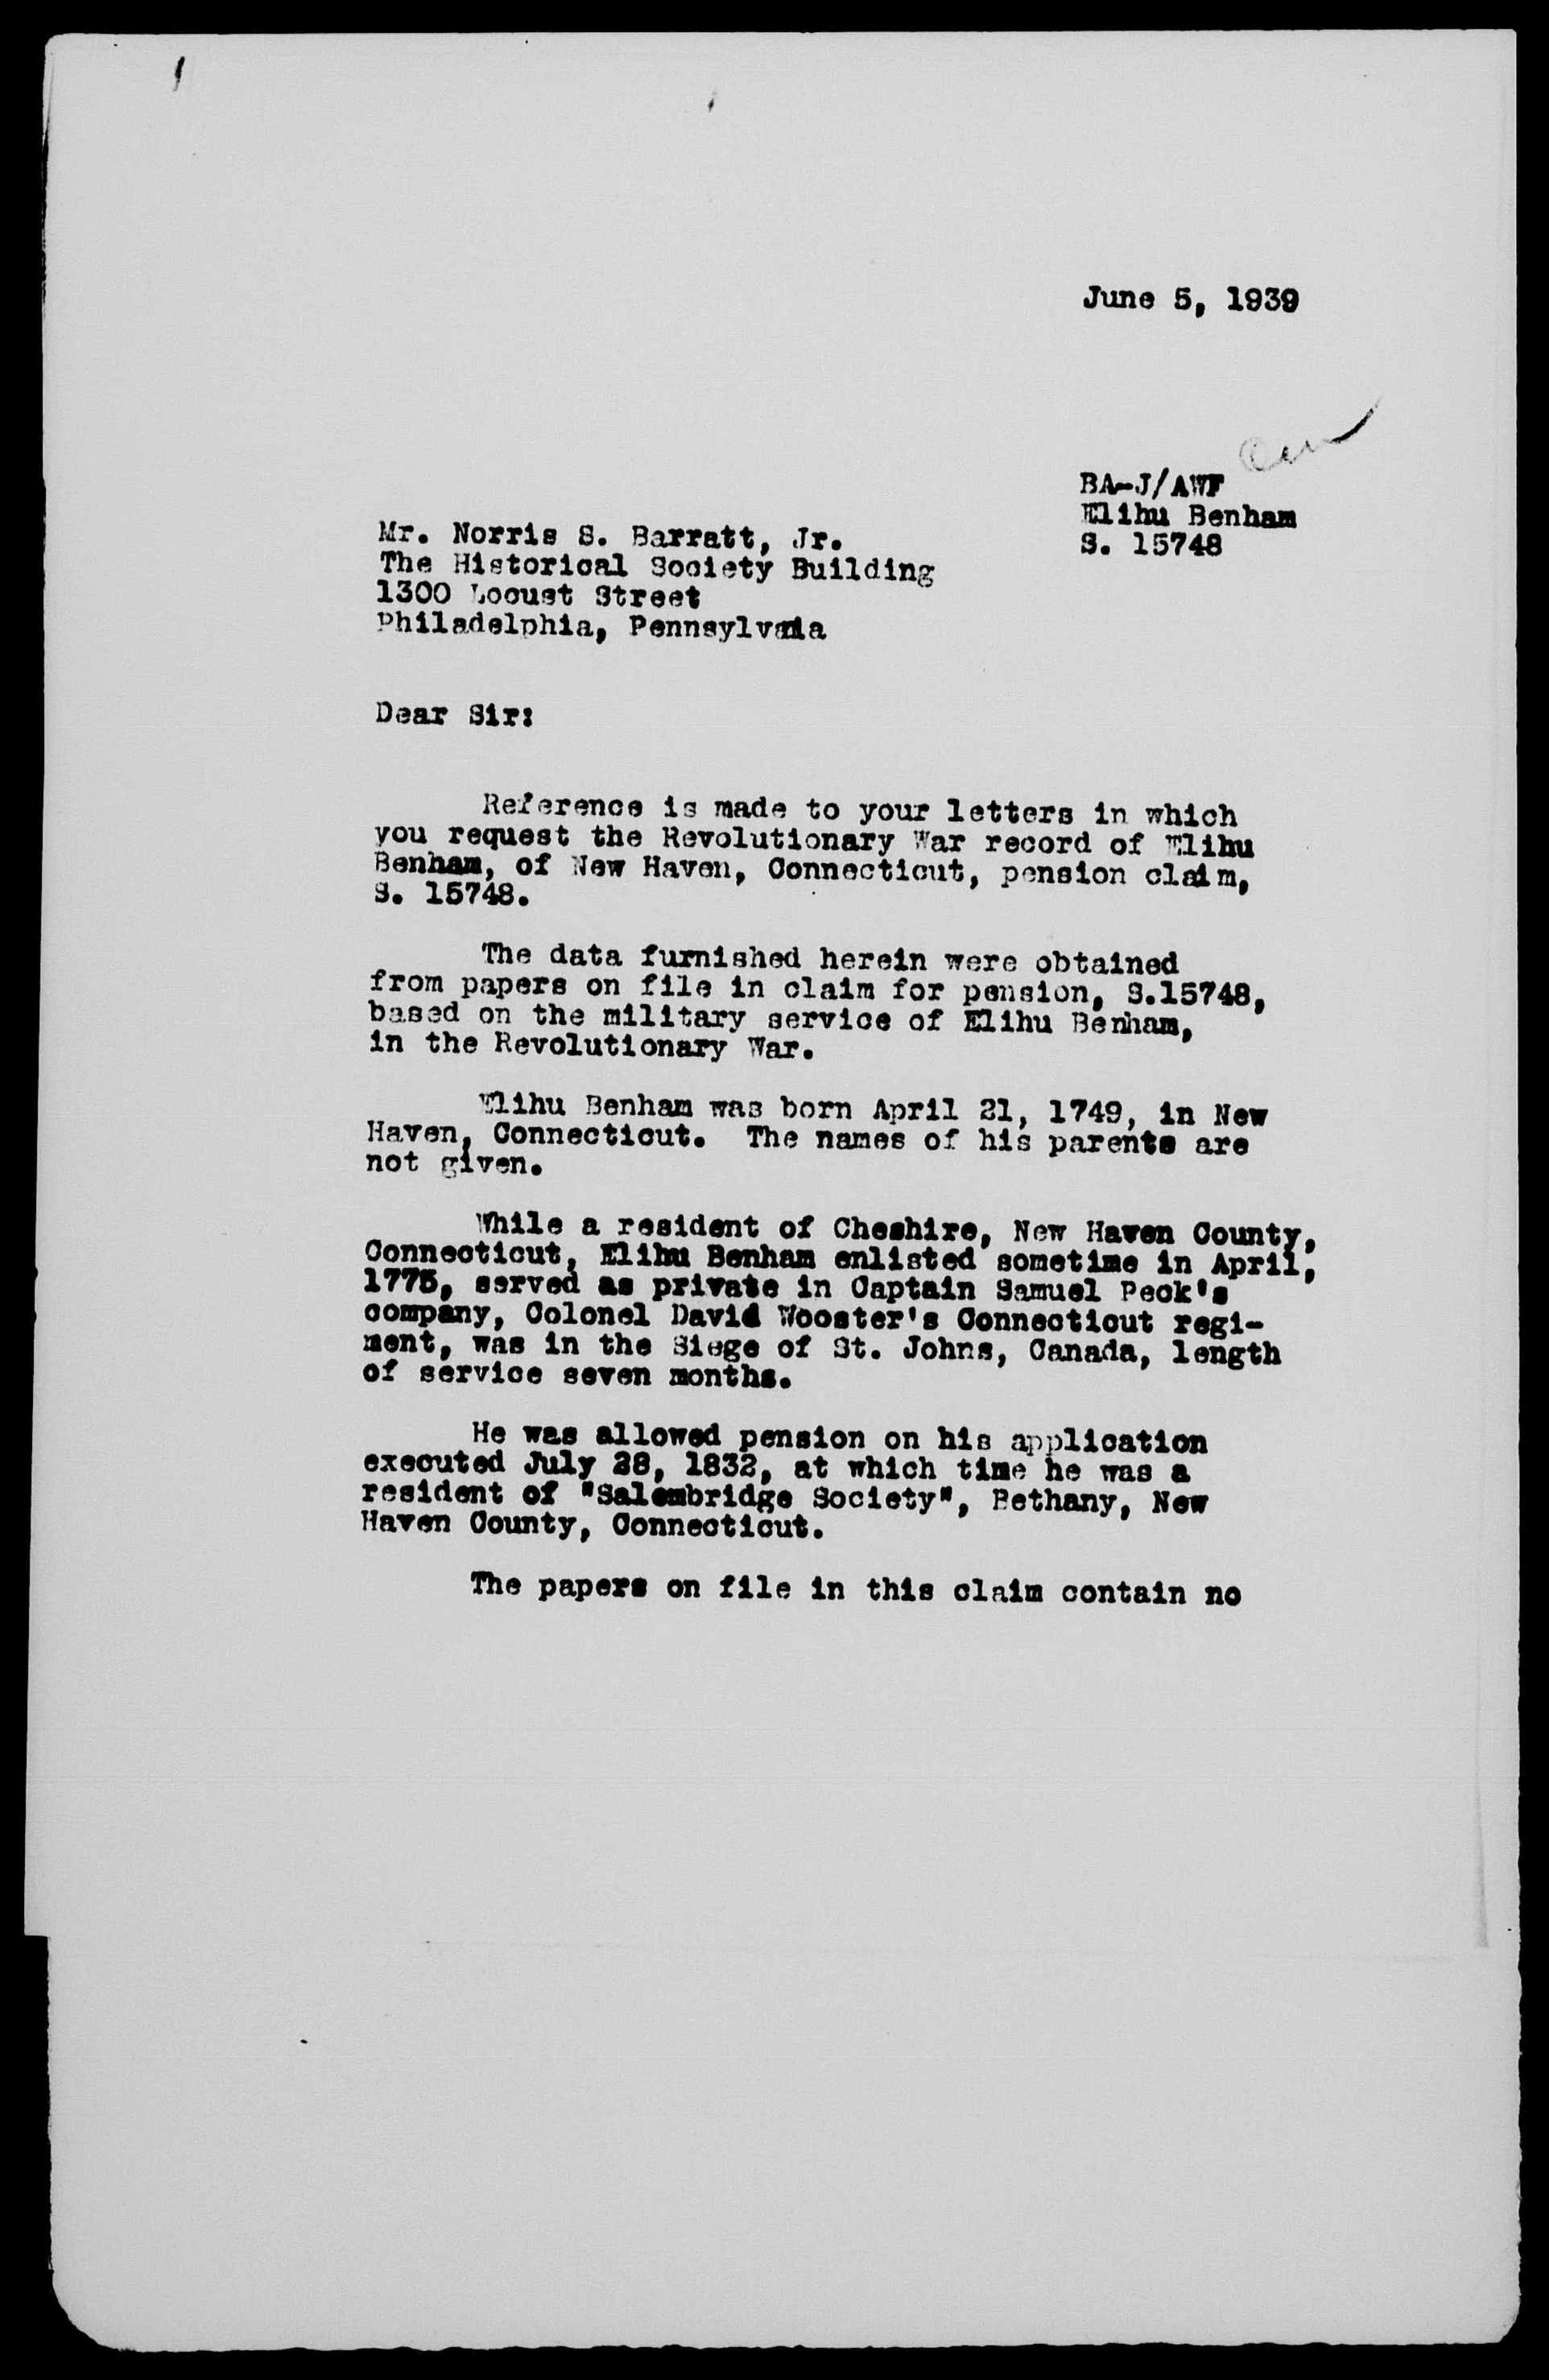June 5, 1939
BA-J/AWF
Elihu Benham
S. 15748
Mr. Norris S. Barratt, Jr.
The Historical Society Building 
1300 Locust Street 
Philadelphia, Pennsylvaia 
Dear Sir:  
Reference is made to your letters in which you request the Revolutionary War record of the Elihu Benham, of New Haven, Connecticut, pension claim, S. 15748. 
The data furnished herein were obtained from papers on file in claim for pension, S. 15748, based on the military service of Elihu Benham, in the Revolutionary War. 
Elihu Benham was born April 21, 1749, in New Haven, Connecticut. The names of his parents are not given.
While a resident of Cheshire, New Haven County, Connecticut, Elihu Benham enlisted sometime in April, 1775, served as private in Captain Samuel Peck's company, Colonel David Wooster's Connecticut regiment , was in the Siege of St. Johns, Canada, length of service seven months.
He was allowed pension on his application executed July 28, 1832, at which time he was a resident of "Salembridge Society", Bethany, New Haven County, Connecticut. 
The papers on file in this claim contain no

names: Elihu Benham, Elihu Benham, Norris S Barratt, Elihu Benham, Elihu Benham, Elihu Benham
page: 16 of 45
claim: survivor's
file: S. 15748, Elihu Benham, Conn.